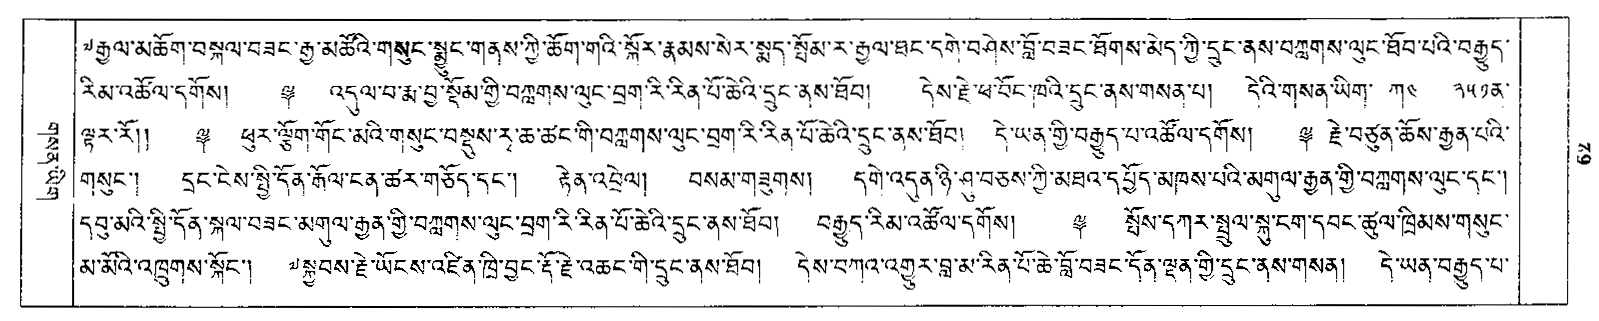༧རྒྱལ་མཆོག་བསྐལ་བཟང་རྒྱ་མཚོའི་གསུང་སྨྱུང་གནས་ཀྱི་ཆོག་གའི་སྐོར་རྣམས་སེར་སྨད་སྤོམ་ར་རྒྱལ་ཐང་དགེ་བཤེས་བློ་བཟང་ཐོགས་མེད་ཀྱི་དྲུང་ནས་བཀླགས་ལུང་ཐོབ་པའི་བརྒྱུད་
རིམ་འཚོལ་དགོས། ༈ འདུལ་བ་རྨ་བྱ་སྡོམ་གྱི་བཀླགས་ལུང་བྲག་རི་རིན་པོ་ཆེའི་དྲུང་ནས་ཐོབ། དེས་རྗེ་ཕ་བོང་ཁའི་དྲུང་ནས་གསན་པ། དེའི་གསན་ཡིག་ཀ ༤ ༢༥༡་ན་
ལྟར་རོ།། ༈ ཕུར་ལྕོག་གོང་མའི་གསུང་བསྡུས་རྭ་ཆ་ཚང་གི་བཀླགས་ལུང་བྲག་རི་རིན་པོ་ཆེའི་དྲུང་ནས་ཐོབ། དེ་ཡན་གྱི་བརྒྱུད་པ་འཚོལ་དགོས། ༈ རྗེ་བཙུན་ཆོས་རྒྱན་པའི་
གསུང་། དྲང་ངེས་སྤྱི་དོན་རྒོལ་ངན་ཚར་གཅོད་དང་། རྟེན་འབྲེལ། བསམ་གཟུགས། དགེ་འདུན་ཉི་ཤུ་བཅས་ཀྱི་མཐའ་དཔྱོད་མཁས་པའི་མགུལ་རྒྱན་གྱི་བཀླགས་ལུང་དང་།
དབུ་མའི་སྤྱི་དོན་སྐལ་བཟང་མགུལ་རྒྱན་གྱི་བཀླགས་ལུང་བྲག་རི་རིན་པོ་ཆེའི་དྲུང་ནས་ཐོབ། བརྒྱུད་རིམ་འཚོལ་དགོས། ༈ སྤོས་དཀར་སྤྲུལ་སྐུ་ངག་དབང་ཚུལ་ཁྲིམས་གསུང་
མ་མོའི་འཁྲུགས་སྐོང་། ༧སྐྱབས་རྗེ་ཡོངས་འཛིན་ཁྲི་བྱང་རྡོ་རྗེ་འཆང་གི་དྲུང་ནས་ཐོབ། དེས་བཀའ་འགྱུར་བླ་མ་རིན་པོ་ཆེ་བློ་བཟང་དོན་ལྡན་གྱི་དྲུང་ནས་གསན། དེ་ཡན་བརྒྱུད་པ་